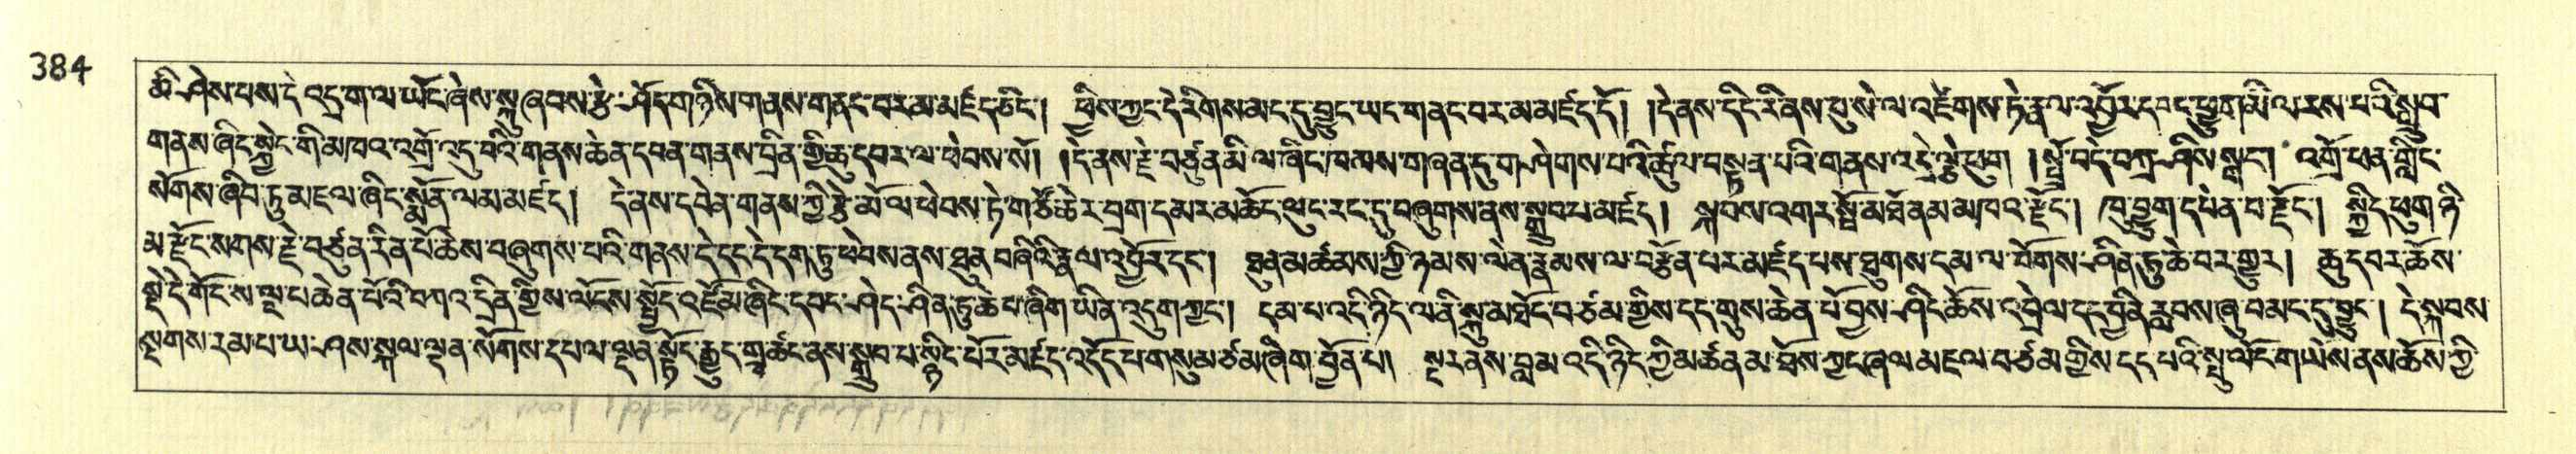མི་ཤེས་པས་དེ་འདྲ་ག་ལ་ཡོང་ཞེས་སྐུ་ཞབས་རྩེ་ཤོད་གཉིས་གནས་གནང་བར་མ་མཛད་ཅིང་། ཕྱིས་ཀྱང་དེ་རིགས་མང་དུ་བྱུང་ཡང་གནང་བར་མ་མཛད་དོ། །དེ་ནས་དིང་རི་ནས་བུ་སེ་ལ་འཛེགས་ཏེ་རྣལ་འབྱོར་དབང་ཕྱུག་མི་ལ་རས་པའི་སྒྲུབ་
གནས་ཞིང་སྐྱེང་གི་མཁའ་འགྲོ་འདུ་བའི་གནས་ཆེན་དབང་ནས་བྲིན་གྱི་ཆུ་དབར་ལ་ཕེབས་སོ། །དེ་ནས་རྗེ་བཙུན་མི་ལ་ཞིང་ཁམས་གཞན་དུ་གཤེགས་པའི་ཚུལ་བསྟན་པའི་གནས་འདྲེ་ལྕེ་ཕུག །སྤྲོ་བདེ་བཀྲ་ཤིས་སྒང་། འགྲོ་ཕན་གླིང་
སོགས་ཞིབ་ཏུ་མཇལ་ཞིང་སྨོན་ལམ་མཛད། དེ་ནས་དབེན་གནས་ཀྱི་ཨེརྩེ་མོ་ལ་ཕེབས་ཏེ་གཙོ་ཆེར་བྲག་དམར་མཆོད་ལུང་རང་དུ་བཞུགས་ནས་སྒྲུབ་པ་མཛད། སྐབས་འགར་སྤོ་མཐོ་ནམ་མཁའ་རྫོང་། ཁུ་བྱུག་དཔེན་བ་རྫོང་། སྐྱིད་ཕུག་ཉི་
མ་རྫོང་སགས་རྗེ་བཙུན་རིན་པོ་ཆེས་བཞུགས་པའི་གནས་དེ་དང་དེ་དག་ཏུ་ཕེབས་ནས་ཐུན་བཞིའི་རྣལ་འབྱོར་དང་། ཐུན་མཚམས་ཀྱི་ཉམས་ལེན་རྣམས་ལ་བརྩོན་པར་མཛད་པས་ཐུགས་དམ་ལ་བོགས་ཤིན་ཏུ་ཆེ་བར་གྱུར། ཆུ་དབར་ཆོས་
སྡེ་དེ་གོང་ས་ལྔ་པ་ཆེན་པོའི་བཀའ་དྲིན་གྱིས་ལོངས་སྤྱོད་འཛོམ་ཞིང་དབང་ཤེད་ཤིན་ཏུ་ཆེ་བ་ཞིག་ཡིན་འདུག་ཀྱང་། དམ་པ་འདི་ཉིད་ལ་ནི་སྐུ་མཐོང་བ་ཙམ་གྱིས་དད་གུས་ཆེན་པོ་བྱས་ཤིང་ཆོས་འབྲེལ་དང་བྱིན་རླབས་ཞུ་བ་མང་དུ་བྱུང་། དེ་སྐབས་
སྔགས་རམ་པ་ཡ་ཤས་སྐལ་ལྡན་སོགས་དཔལ་ལྡན་སྟོང་རྒྱུད་གྲྭ་ཚང་ནས་སྒྲུབ་པ་སྙིང་པོར་མཛད་འདོད་པ་གསུམ་ཙམ་ཞིག་བྱོན་པ། སྔར་ནས་བླ་མ་འདི་ཉིད་ཀྱི་མཚན་མ་ཐོས་ཀྱང་ཞལ་མཇལ་བ་ཙམ་གྱིས་དད་པའི་སྤུ་ལོང་གཡོས་ནས་ཆོས་ཀྱི་